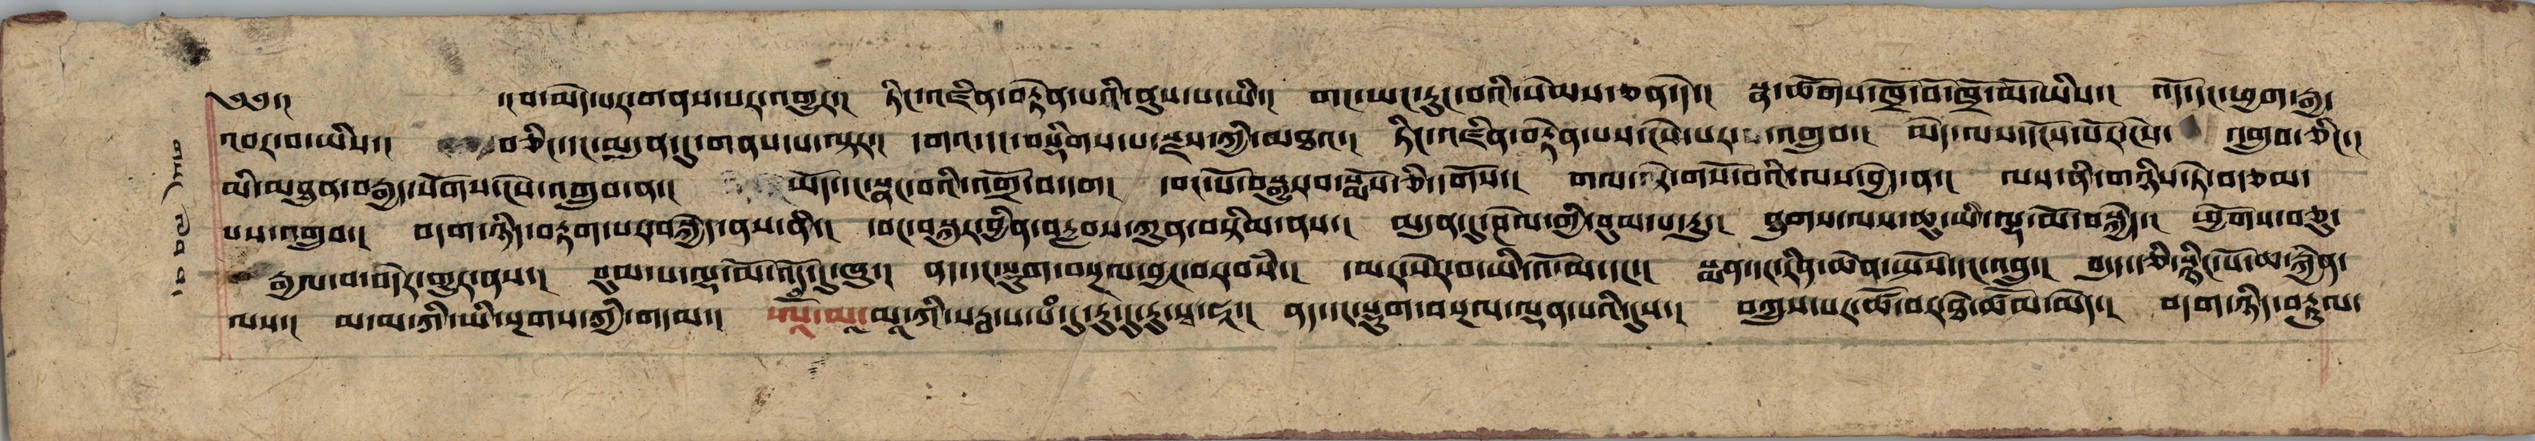༄༅་། ་།བ་མེད་པར་གནས་པར་འགྱུར་། ཏིང་འཛིན་བརྟེན་པའི་ནུས་པ་ཡི་། གང་ཡང་རུང་བའི་སེམས་ཅན་དེ་། སྣ་ཚོགས་ཁྲོ་བོ་ཁྲོ་མོ་ཡིས་། འོད་དང་ཕྱག་རྒྱ་
འབར་བ་ཡིས་། བཅིང་དང་མདུན་དུ་གནས་པ་ལྟར་། དགའ་དང་བསྡིགས་པ་སྫས་ཀྱི་མཐའ་། ཏིང་འཛིན་བརྟེན་པས་ངེས་པར་འགྲུབ་། མེད་ལས་དངོས་པོར་ངེས་ འགྲུབ་ཅིང་།
མི་མཐུན་བརྒྱད་སོགས་ངེས་འགྲུབ་ན་། ཡོད་དང་སྣང་བའི་འགྲོ་བ་དག། དབང་པོ་བསྒྱུར་བ་སྨོས་ཅི་དགོས་། གལ་ཏེ་གསོ་བའི་ལས་བྱེད་ན་། ལས་ནི་གཉིས་ཏེ་བརྩམ་
པས་འགྲུབ་། བདག་ཉིད་བརྟག་པར་བསྐྱེད་ནས་ནི་། དབང་བསྐུར་བྱིན་བརླབས་ཀུན་བསྟིམ་ནས་། མདུན་དུ་ཤེལ་གྱི་བུམ་པ་རུ་། ཐུགས་ལས་ཆུ་ཡི་ལྷ་མོ་བསྐྱེད་། ཕྱོགས་བཅུ་
རྒྱལ་བ་བདེར་གྱུར་ནས་། བུམ་པ་ལྷ་མོ་འོད་དུ་ཞུ་། ནད་དང་སྡུག་བསྔལ་བྱང་བར་བསཾ་། དམར་སེར་བ་ཡི་འོ་མ་དང་། སྨན་དང་རིན་ཆེན་སྤོས་དང་འབྲུ་། བདུད་རྩི་སྙིང་པོ་ཆ་རྐྱེན་
ལས་། མ་མ་ཀི་ཡི་སྔགས་ཀྱི་གདམ་། ཨཱོཾ་མཱ་མཱཀི་སརྦ་པ་པཾ་དུ་རུ་དུ་རུ་སྭ་ཧཱ་། ནད་དང་སྡུག་བསྔལ་ལྡན་པའི་དུས་། བཀྲུས་པར་ཚོ་བར་ཐེ་ཚོམ་མེད་། བདག་ཉིད་བརྟུལ་